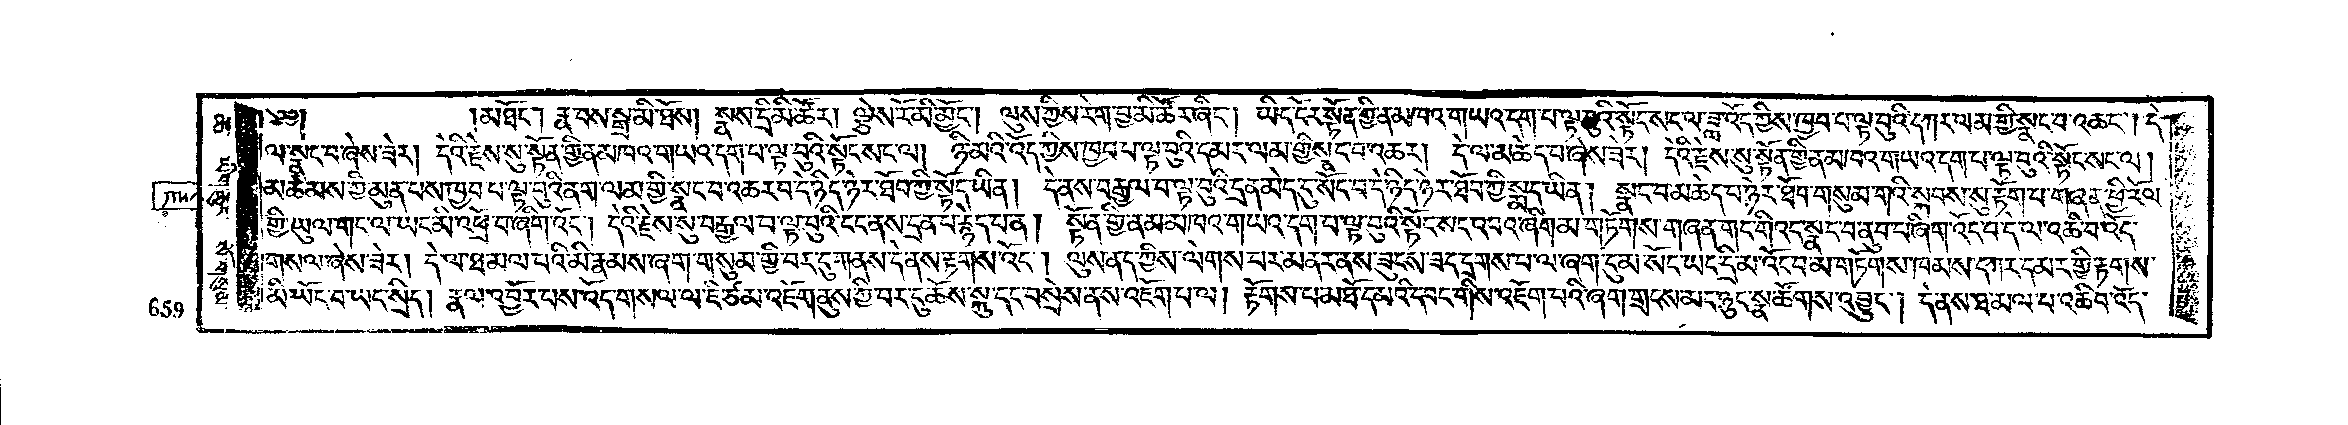༄༅། །མཐོང་། རྣ་བས་སྒྲ་མི་ཐོས། སྣས་དྲི་མི་ཚོར། ལྕེས་རོ་མི་མྱོང་། ལུས་ཀྱིས་རེག་བྱ་མི་ཚོར་ཞིང་། ཡིད་ངོར་སྟོན་གྱི་ནམ་མཁའ་གཡའ་དག་པ་ལྟ་བུའི་སྟོང་སང་ལ་ཟླ་འོད་ཀྱིས་ཁྱབ་པ་ལྟ་བུའི་དཀར་ལམ་གྱི་སྣང་བ་འཆར། དེ་
ལ་སྣང་བ་ཞེས་ཟེར། དེའི་རྗེས་སུ་སྟོན་གྱི་ནམ་མཁའ་གཡའ་དག་པ་ལྟ་བུའི་སྟོང་སང་ལ། ཉི་མའི་འོད་ཀྱིས་ཁྱབ་པ་ལྟ་བུའི་དམར་ལམ་གྱི་སྣང་བ་འཆར། དེ་ལ་མཆེད་པ་ཞེས་ཟེར། དེའི་རྗེས་སུ་སྟོན་གྱི་ནམ་མཁའ་གཡའ་དག་པ་ལྟ་བུའི་སྟོང་སང་ལ།
མཚམས་ཀྱི་མུན་པས་ཁྱབ་པ་ལྟ་བུའི་ནག་ལམ་གྱི་སྣང་བ་འཆར་བ་དེ་ཉིད་ཉེར་ཐོབ་ཀྱི་སྟོད་ཡིན། དེ་ནས་བརྒྱལ་བ་ལྟ་བུའི་དྲན་མེད་དུ་སོང་བ་དེ་ཉིད་ཉེར་ཐོབ་ཀྱི་སྨད་ཡིན། སྣང་བ་མཆེད་པ་ཉེར་ཐོབ་གསུམ་གའི་སྐབས་སུ་རྟོག་པ་གཞན་ཕྱི་རོལ་
གྱི་ཡུལ་གང་ལ་ཡང་མི་འཕྲོ་བ་ཞིག་འོང་། དེའི་རྗེས་སུ་བརྒྱལ་བ་ལྟ་བུའི་ངང་ནས་དྲན་པ་རྙེད་པ་ན། སྟོན་གྱི་ནམ་མཁའ་གཡའ་དག་པ་ལྟ་བུའི་སྟོང་སང་འབའ་ཞིག་མ་གཏོགས་གཞན་གང་གིའང་སྣང་བ་ནུབ་པ་ཞིག་འོང་བ་དེ་ལ་འཆི་བ་འོད་
གསལ་ཞེས་ཟེར། དེ་ལ་ཐ་མལ་པའི་མི་རྣམས་ཞག་གསུམ་གྱི་བར་དུ་གནས་དེ་ནས་རྟགས་འོང་། ལུས་ནད་ཀྱིས་ལེགས་པར་མནར་ནས་ཟུངས་ཟད་དྲགས་པ་ལ་ཞག་དུ་མ་སོང་ཡང་དྲི་མ་འོང་བ་མ་གཏོགས་ཁམས་དཀར་དམར་གྱི་རྟགས་
མི་ཡོང་བ་ཡང་སྲིད། རྣལ་འབྱོར་པས་འོད་གསལ་ལ་ཇི་ཙམ་འཇོག་ནུས་ཀྱི་བར་དུ་ཆོས་སྐུ་དང་བསྲེས་ནས་འཇོག་པ་ལ། རྟོགས་པ་མཐོ་དམའི་དབང་གིས་འཇོག་པའི་ཞག་གྲངས་མང་ཉུང་སྣ་ཚོགས་འབྱུང་། དེ་ནས་ཐ་མལ་པ་འཆི་བ་འོད་